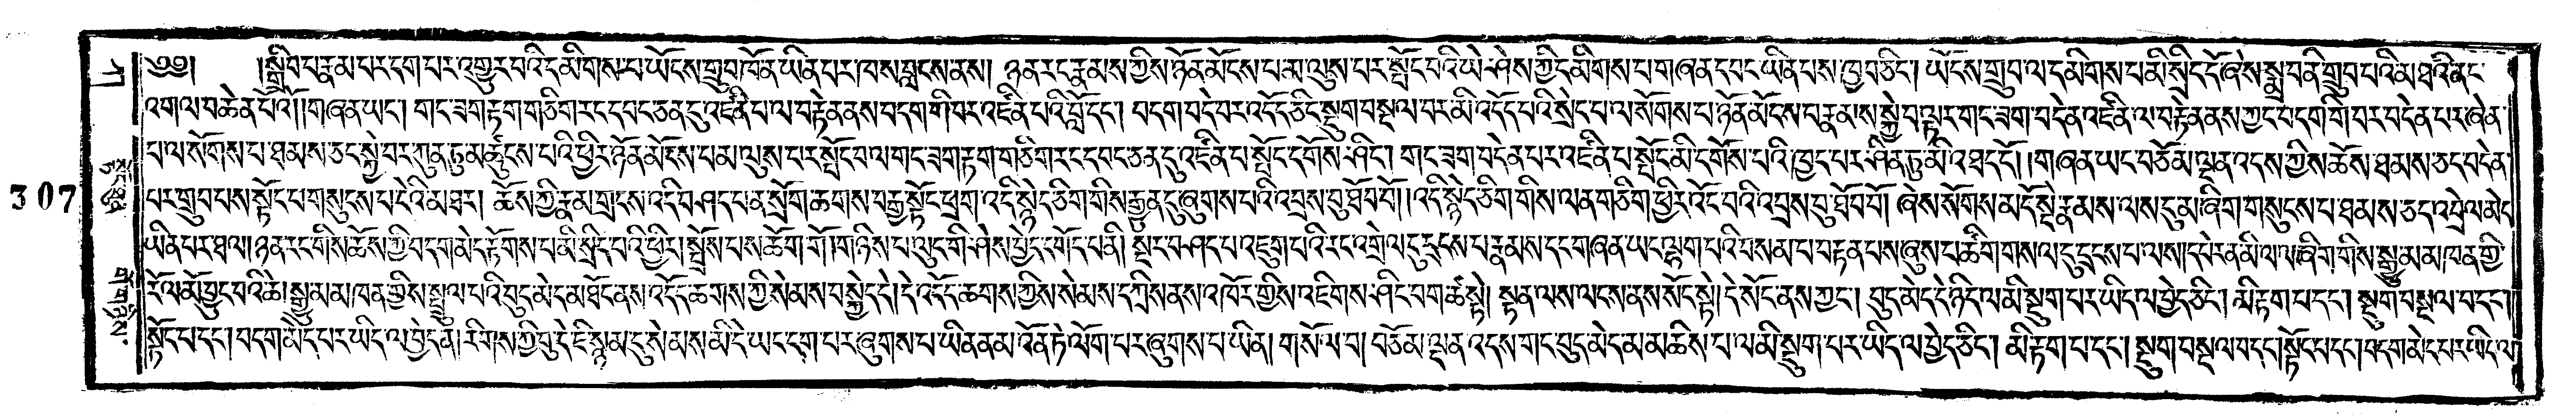༄༅། །སྒྲིབ་པ་རྣམ་པར་དག་པར་འགྱུར་བའི་དམིགས་པ་ཡོངས་གྲུབ་ཁོ་ན་ཡིན་པར་ཁས་བླངས་ནས། ཉན་རང་རྣམས་ཀྱིས་ཉོན་མོངས་པ་མ་ལུས་པར་སྤོང་བའི་ཡེ་ཤེས་ཀྱི་དམིགས་པ་གཞན་དབང་ཡིན་པས་ཁྱབ་ཅིང་། ཡོངས་གྲུབ་ལ་དམིགས་པ་མི་སྲིད་དོ་ཞེས་སྨྲ་བ་ནི་གྲུབ་པའི་མཐའི་ནང་
འགལ་བ་ཆེན་པོའོ། །གཞན་ཡང་། གང་ཟག་རྟག་གཅིག་རང་དབང་ཅན་དུ་འཛིན་པ་ལ་བརྟེན་ནས་བདག་གི་བར་འཛིན་པའི་བློ་དང་། བདག་བདེ་བར་འདོད་ཅིང་སྡུག་བསྔལ་བར་མི་འདོད་པའི་སྲེད་བ་ལ་སོགས་པ་ཉོན་མོངས་པ་རྣམས་སྐྱེ་བ་ལྟར་གང་ཟག་བདེན་འཛིན་ལ་བརྟེན་ནས་ཀྱང་བདག་གི་བར་བདེན་པར་ཞེན་
པ་ལ་སོགས་པ་ཐམས་ཅད་སྐྱེ་བར་ཀུན་ཏུ་མཚུངས་པའི་ཕྱིར་ཉོན་མོངས་པ་མ་ལུས་པར་སྤོང་བ་ལ་གང་ཟག་རྟག་གཅིག་རང་དབང་ཅན་དུ་འཛིན་པ་སྤོང་དགོས་ཤིང་། གང་ཟག་བདེན་པར་འཛིན་པ་སྤོང་མི་དགོས་པའི་ཁྱད་པར་ཤིན་ཏུ་མི་འཐད་དོ། །གཞན་ཡང་བཅོམ་ལྡན་འདས་ཀྱིས་ཆོས་ཐམས་ཅད་བདེན་
པར་གྲུབ་པས་སྟོང་པ་གསུངས་པ་དེའི་མཐར། ཆོས་ཀྱི་རྣམ་གྲངས་འདི་བཤད་པ་ན་སྲོག་ཆགས་བརྒྱ་སྟོང་ཕྲག་འདི་སྙེད་ཅིག་གིས་རྒྱུན་དུ་ཞུགས་པའི་འབྲས་བུ་ཐོབ་བོ། །འདི་སྙེད་ཅིག་གིས་ལན་གཅིག་ཕྱིར་འོང་བའི་འབྲས་བུ་ཐོབ་བོ། ཞེས་སོགས་མདོ་སྡེ་རྣམས་ལས་དུ་མ་ཞིག་གསུངས་པ་ཐམས་ཅད་འབྲེལ་མེད་
ཡིན་པར་ཐལ། ཉན་རང་གིས་ཆོས་ཀྱི་བདག་མེད་རྟོགས་པ་མི་སྲིད་པའི་ཕྱིར། སྤྲོས་པས་ཆོག་གོ །གཉིས་པ་ལུང་གི་ཤེས་བྱེད་དགོད་པ་ནི། སྔར་བཤད་པ་འཇུག་པའི་རང་འགྲེལ་དུ་དྲངས་པ་རྣམས་དང་གཞན་ཡང་ལྷག་པའི་བསམ་པ་བརྟན་པས་ཞུས་པ་ཚིག་གསལ་དུ་དྲངས་པ་ལས། དཔེར་ན་མི་ལ་ལ་ཞིག་གིས་སྒྱུ་མ་མཁན་གྱི་
རོལ་མོ་བྱུང་བའི་ཚེ། སྒྱུ་མ་མཁན་གྱིས་སྤྲུལ་པའི་བུད་མེད་མཐོང་ནས་འདོད་ཆགས་ཀྱི་སེམས་བསྐྱེད་དེ། དེ་འདོད་ཆགས་ཀྱིས་སེམས་དཀྲིས་ནས་འཁོར་གྱིས་འཇིགས་ཤིང་བག་ཚ་སྟེ། སྟན་ལས་ལངས་ནས་སོང་སྟེ། དེ་སོང་ནས་ཀྱང་། བུད་མེད་དེ་ཉིད་ལ་མི་སྡུག་པར་ཡིད་ལ་བྱེད་ཅིང་། མི་རྟག་པ་དང་། སྡུག་བསྔལ་བ་དང་།
སྟོང་པ་དང་། བདག་མེད་པར་ཡིད་ལ་བྱེད་ན། རིགས་ཀྱི་བུ་དེ་ཇི་སྙམ་དུ་སེམས་མི་དེ་ཡང་དག་པར་ཞུགས་པ་ཡིན་ནམ་འོན་ཏེ་ལོག་པར་ཞུགས་པ་ཡིན། གསོལ་བ། བཅོམ་ལྡན་འདས་གང་བུད་མེད་མ་མཆིས་པ་ལ་མི་སྡུག་པར་ཡིད་ལ་བྱེད་ཅིང་། མི་རྟག་པ་དང་། སྡུག་བསྔལ་བ་དང་། སྟོང་པ་དང་། བདག་མེད་པར་ཡིད་ལ་